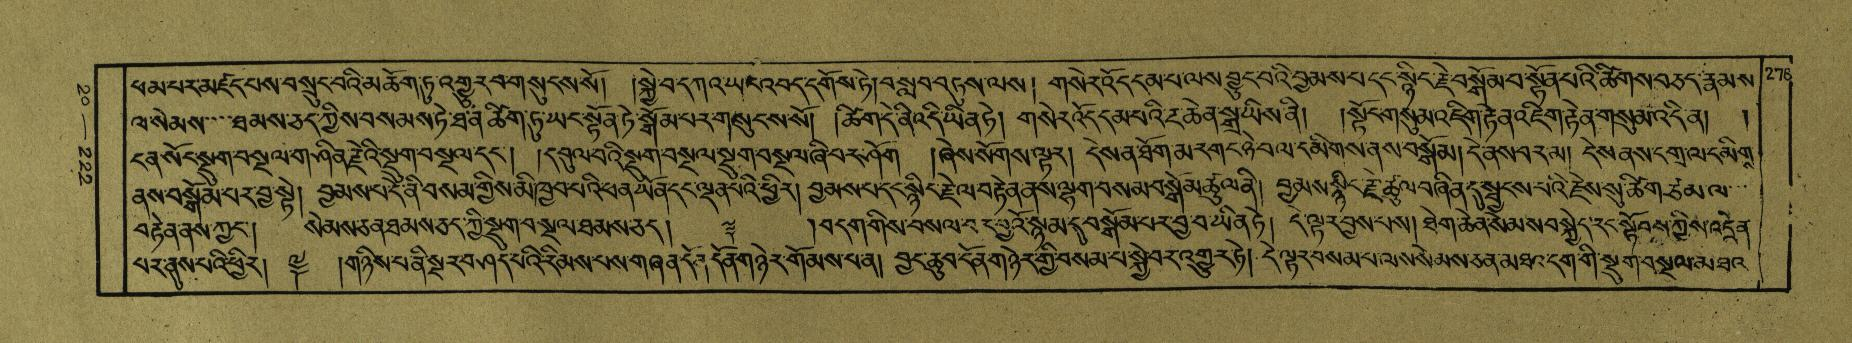ཕམ་པར་མཛད་པས་བསྲུང་བའི་མཆོག་ཏུ་འགྱུར་བ་གསུངས་སོ། །སྐྱེ་བ་དཀའ་ཡང་འབད་དགོས་ཏེ། བསླབ་བཏུས་ལས། གསེར་འོད་དམ་པ་ལས་བྱུང་བའི་བྱམས་པ་དང་སྙིང་རྗེ་བསྒོམ་པ་སྟོན་པའི་ཚིགས་བཅད་རྣམས་
ལ་སེམས་ཐམས་ཅད་ཀྱིས་བསམས་ཏེ་ཐ་ན་ཚིག་ཏུ་ཡང་སྟོན་ཏེ་སྒོམ་པར་གསུངས་སོ། །ཚིག་དེ་ནི་འདི་ཡིན་ཏེ། གསེར་འོད་དམ་པའི་རྔ་ཆེན་སྒྲ་ཡིས་ནི། །སྟོང་གསུམ་འཇིག་རྟེན་འཇིག་རྟེན་གསུམ་འདི་ན། །
ངན་སོང་སྡུག་བསྔལ་གཤིན་རྗེའི་སྡུག་བསྔལ་དང་། །དབུལ་བའི་སྡུག་བསྔལ་སྡུག་བསྔལ་ཞི་བར་ཤོག །ཞེས་སོགས་ལྟར། དེས་ན་ཐོག་མར་གང་ཉེ་བ་ལ་དམིགས་ནས་བསྒོམ། དེ་ནས་བར་མ། དེས་ནས་དགྲ་ལ་དམིགས་
ནས་བསྒོམ་པར་བྱ་སྟེ། བྱམས་པ་དེ་ནི་བསམ་གྱིས་མི་ཁྱབ་པའི་ཕན་ཡོན་དང་ལྡན་པའི་ཕྱིར། བྱམས་པ་དང་སྙིང་རྗེ་ལ་བརྟེན་ནས་ལྷག་བསམ་བསྒོམ་ཚུལ་ནི། བྱམས་སྙིང་རྗེ་ཚུལ་བཞིན་དུ་སྦྱངས་པའི་རྗེས་སུ་ཚིག་ཙམ་ལ་
བརྟེན་ནས་ཀྱང་། སེམས་ཅན་ཐམས་ཅད་ཀྱི་སྡུག་བསྔལ་ཐམས་ཅད། ༈ །བདག་གིས་བསལ་བར་བྱའོ་སྙམ་དུ་བསྒོམ་པར་བྱ་བ་ཡིན་ཏེ། དེ་ལྟར་བྱས་པས། ཐེག་ཆེན་སེམས་བསྐྱེད་རང་སྟོབས་ཀྱིས་འདྲེན་
པར་ནུས་པའི་ཕྱིར། ༈ །གཉིས་པ་ནི་སྔར་བཤད་པའི་རིམས་པས་གཞན་དོན་དོན་གཉེར་གོམས་པ་ན། བྱང་ཆུབ་དོན་གཉེར་གྱི་བསམ་པ་སྐྱེ་བར་འགྱུར་ཏེ། དེ་ལྟར་བསམ་པ་ལས་སེམས་ཅན་མཐའ་དག་གི་ལྶྡུག་བསྔལ་མཐའ་